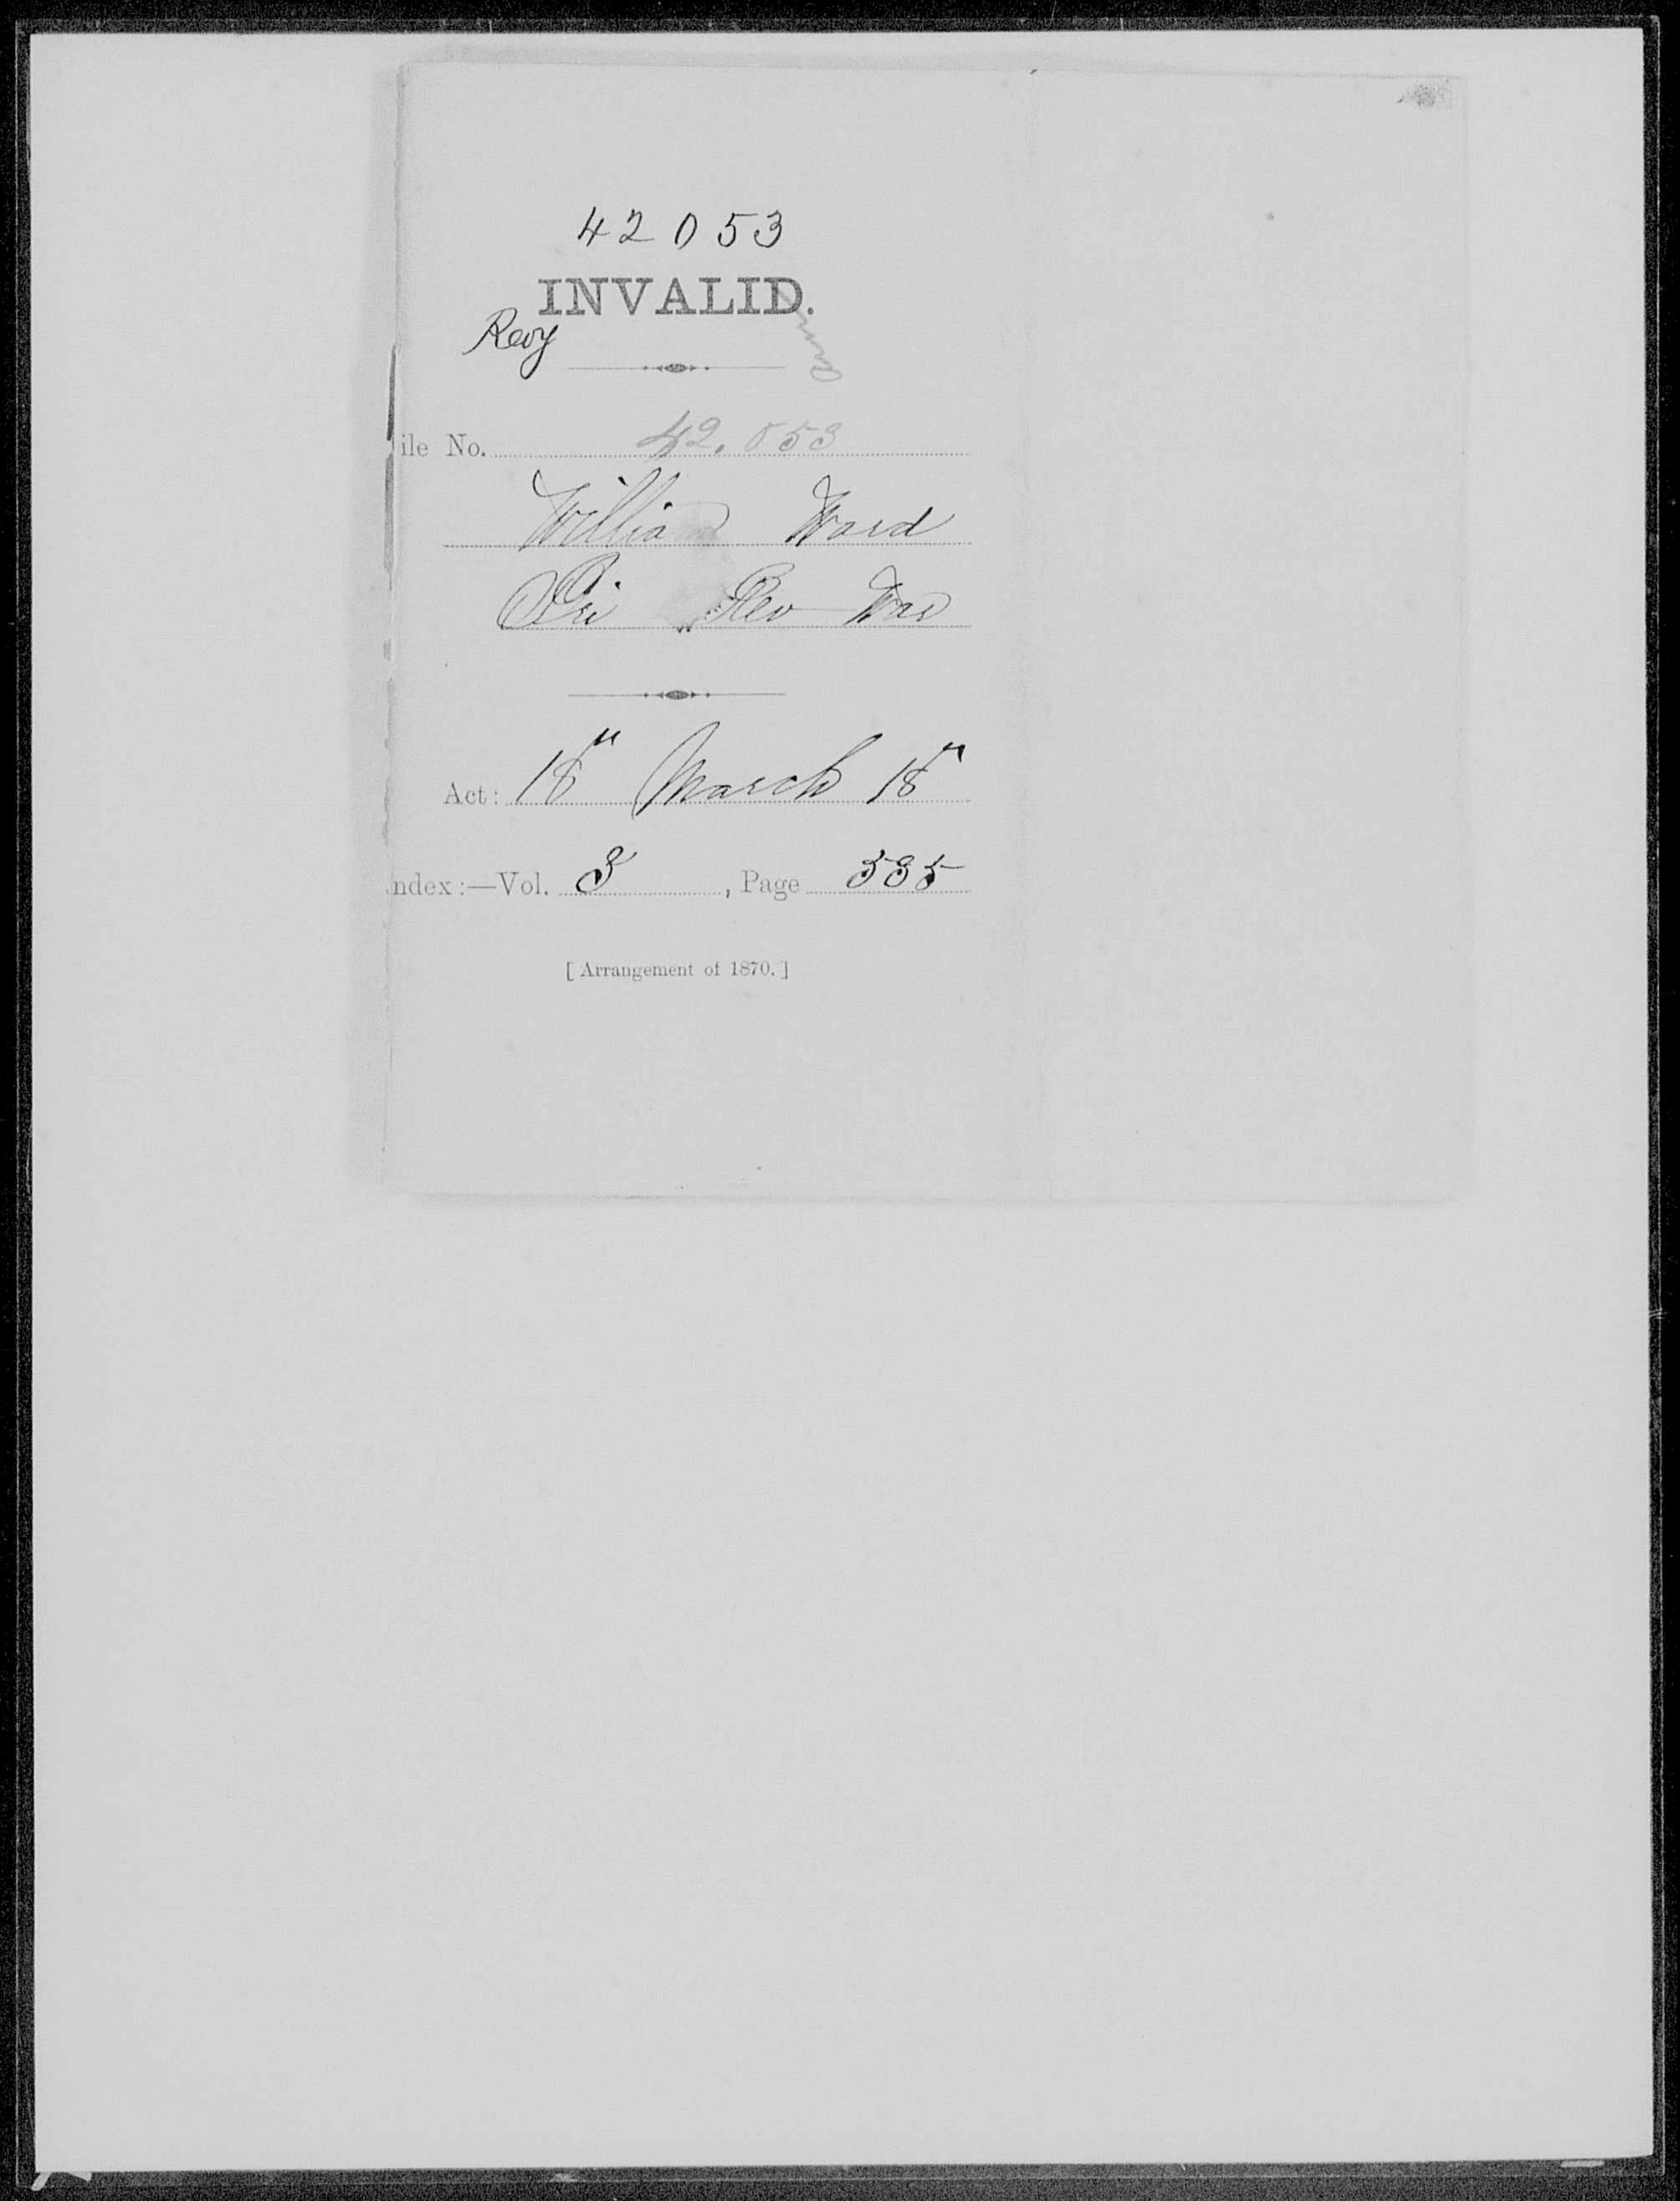42053
INVALID.
Revy
File No. 42,053
William Ward
Pri Rev War
Act: 18th March 18
Index:-- Vol. 3, Page 585
[Arrangement of 1870.}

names: William Ward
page: 13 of 17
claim: survivor's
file: S. 42053, William Ward, Ga.